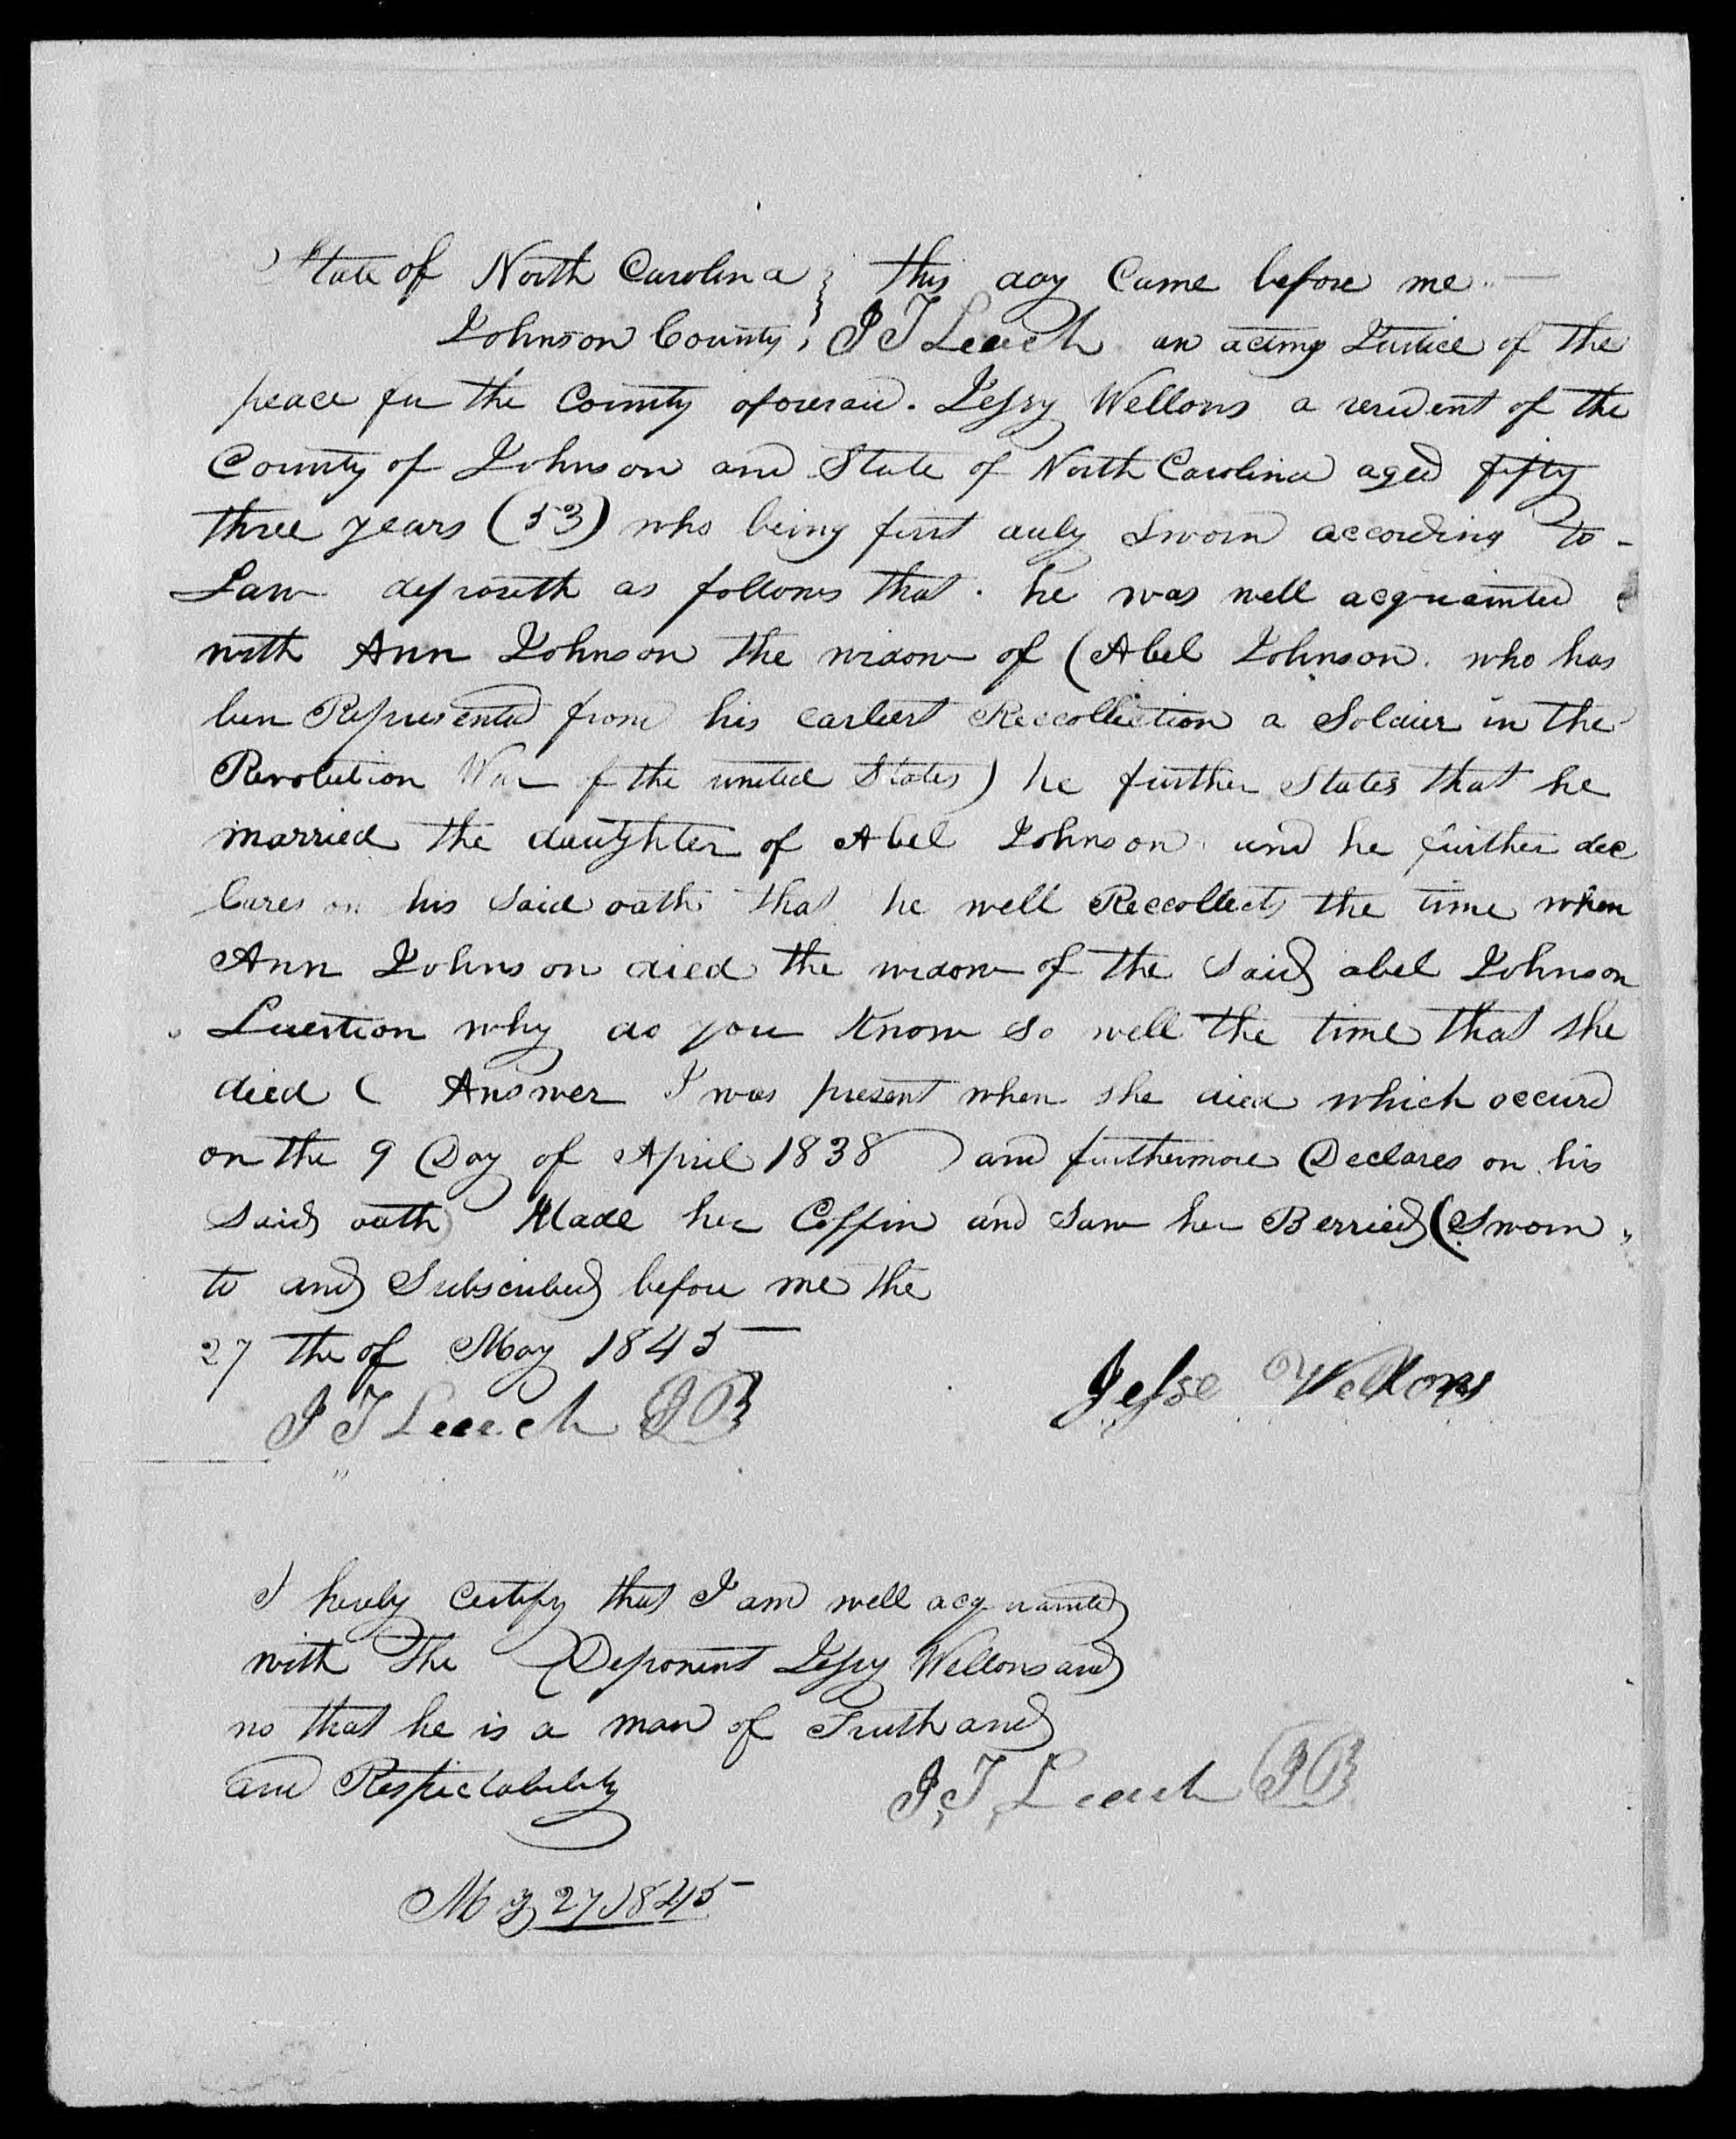State of Jesse North Carolina
Johnson County}  this day came before me J. P. Leach an acting Justice of the peace for the County aforesaid.  Jessy Wellons a resident of the County of Johnson and State of North Carolina aged fifty three years (53) who being first duly sworn according to Law deposeth as follows that he was well acquainted with Ann Johnson the widow of ( Abel Johnson, who has been represented from his earliest Recollection a Soldier in the Revolution War of the United States) he further states that he married the daughter of Abel Johnson, and he further declares on his said oath that he well recollects the time when Ann Johnson died the widow of the said Abel Johnson Question why as you know so well the time that she died ( Answer I was present when she died which occurred on the 9 Day of the April 1838 and furthermore declares on his said oath made her Coffin and Saw her Berried [buried]    Jesse Wellons  ( Sworn to and Subscribed before me the 27th of May 1845    J P Leach  [seal]      
I hereby certify that I am well acquainted with the Deponent Jessy Wellons and no that he is a man of truth and and Respectability J P Leach [JP}   May 27 1845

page: 27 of 74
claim: rejected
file: R. 5600, for Abel Johnson, North Carolina